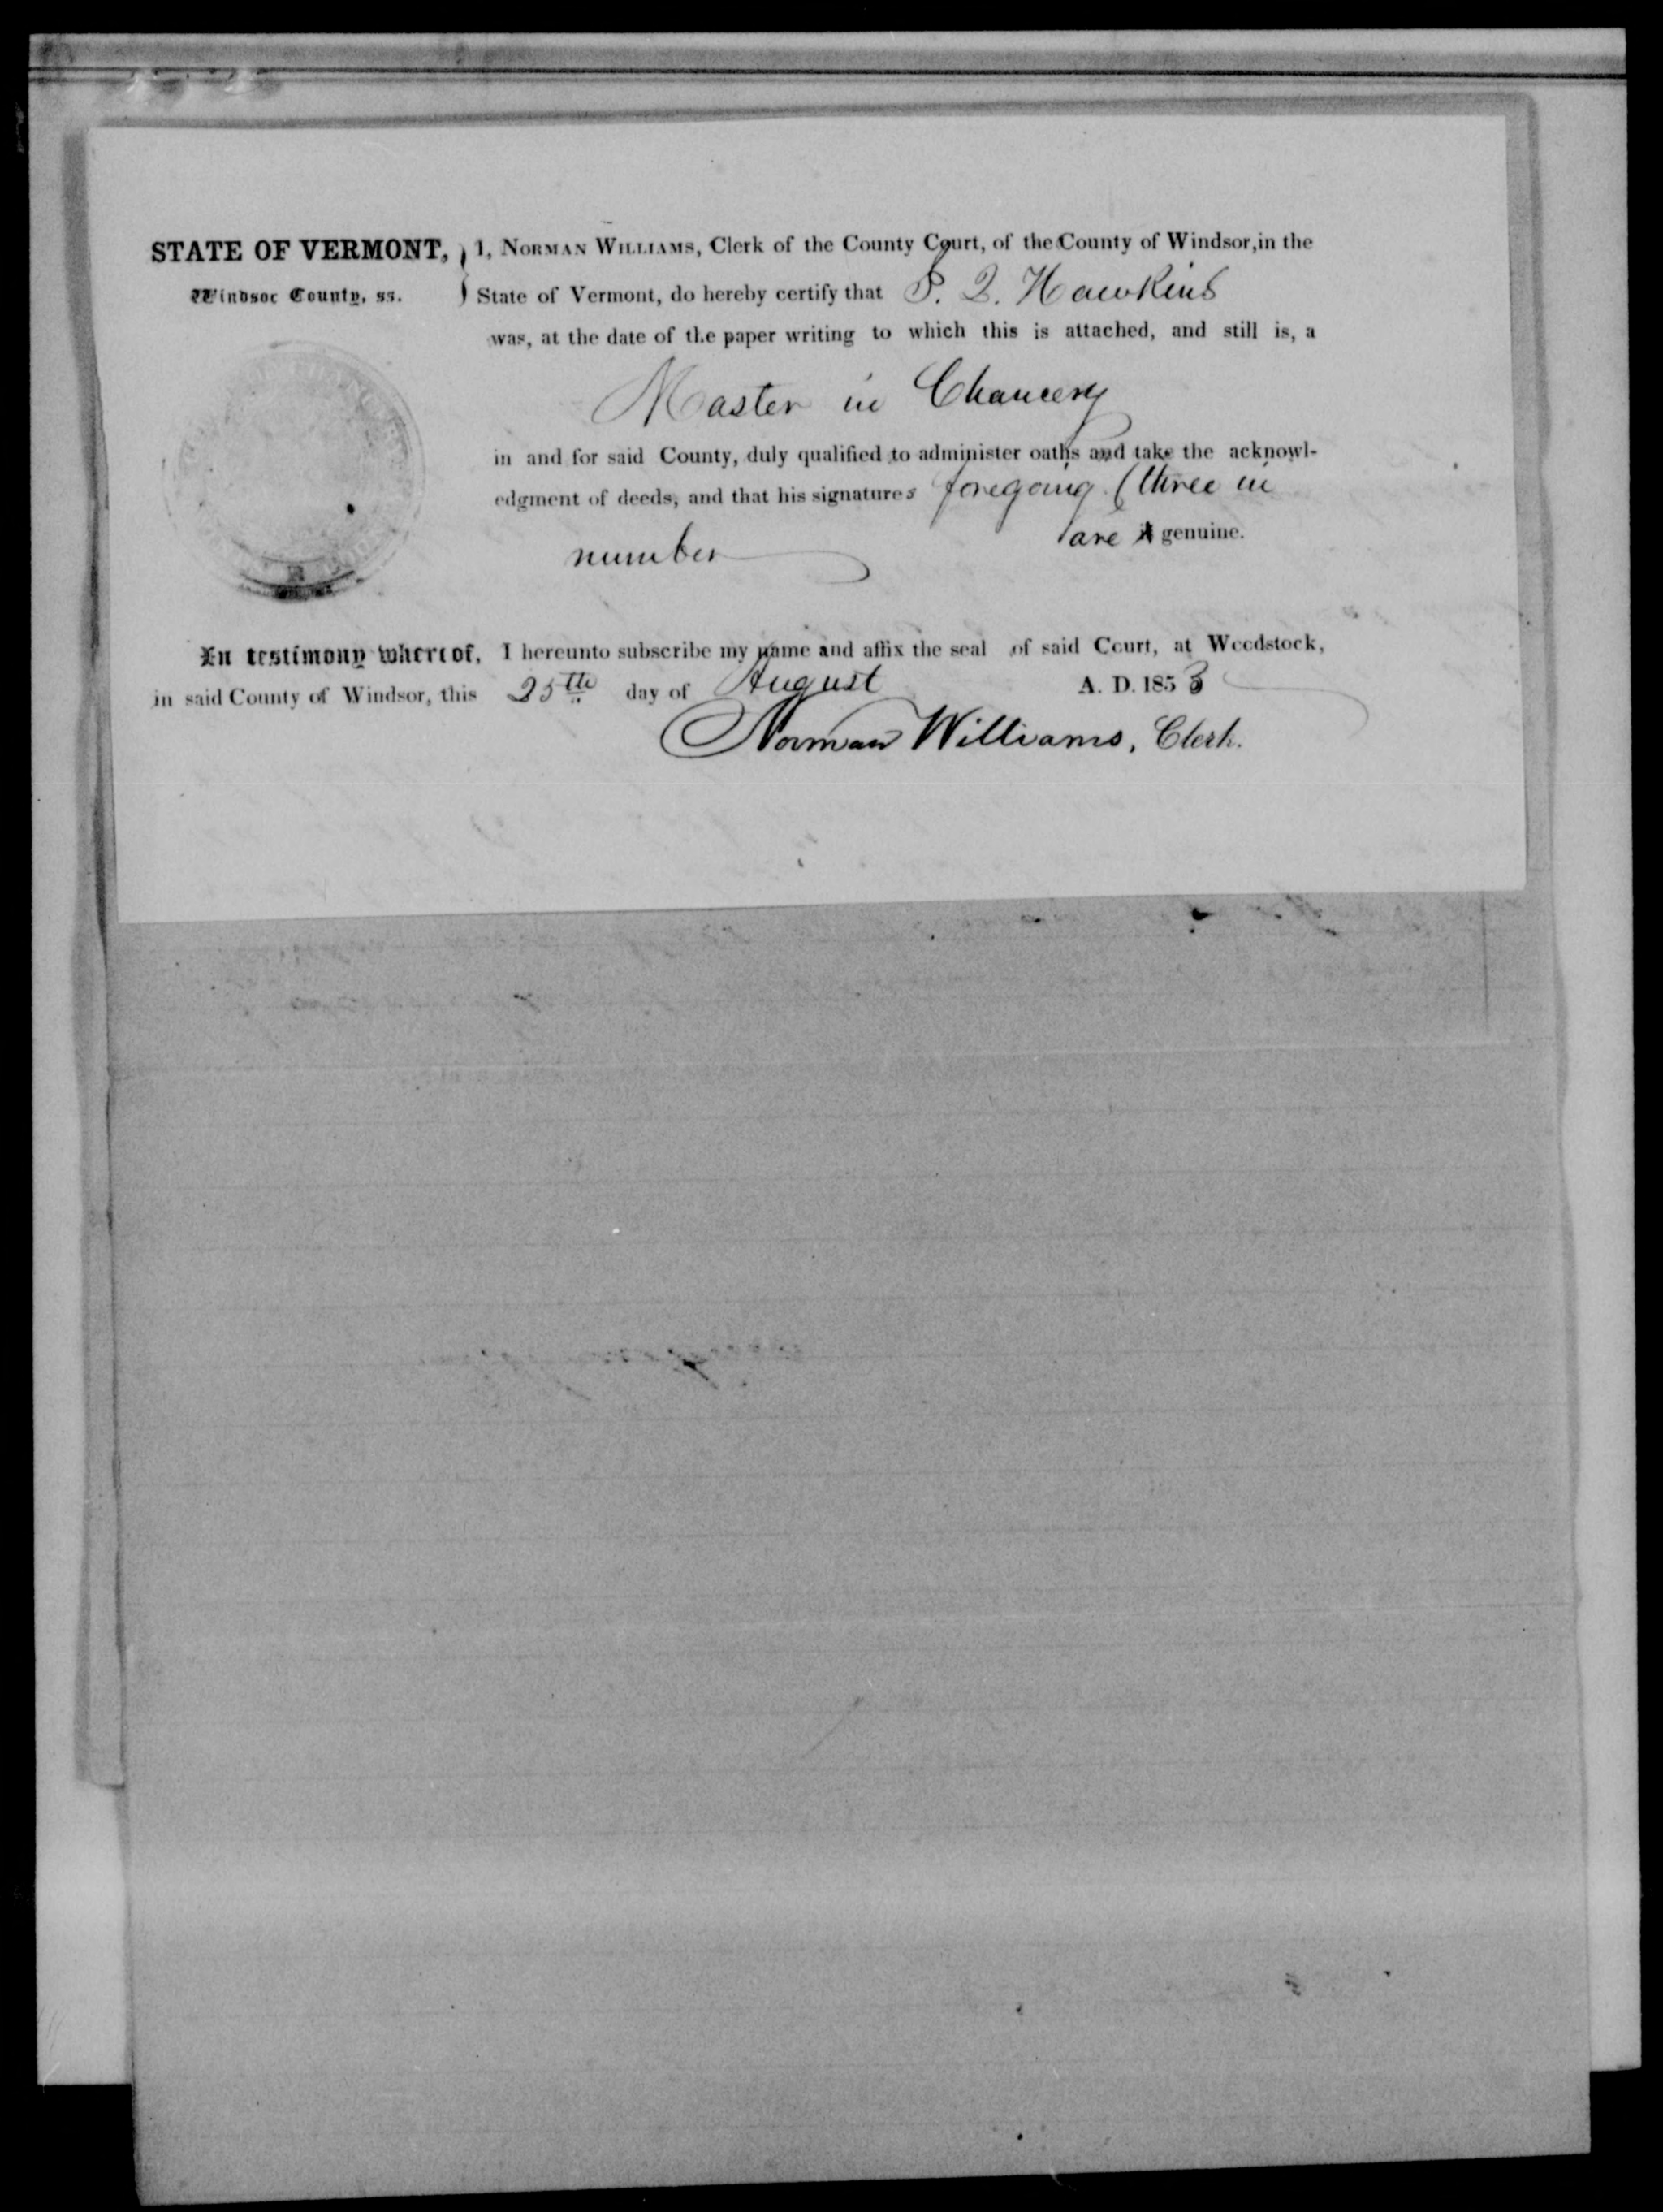State of Vermont
Windsor County, ss.
I Norman Williams, Clerk of the County Court, of the County of Windsor, in the State of Vermont, do hereby certify that J. Q. Hawkins was at the date of the paper writing to which this is attached, and still is a Master in Chancery in and for said County, duly qualified to administer oaths and take the acknowledgment of deeds, and that his signatures foregoing^ ( three in number) are genuine.
(Court Seal)
In testimony whereof, I hereunto subscribe my name and affix the seal of said Court, at Woodstock in said County of Windsor this 25th day of August A. D. 1853
Norman Williams, Clerk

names: J Q Hawkins, Norman Williams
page: 35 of 66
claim: widow's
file: W. 2468, Amos Wetherbee, Mass.